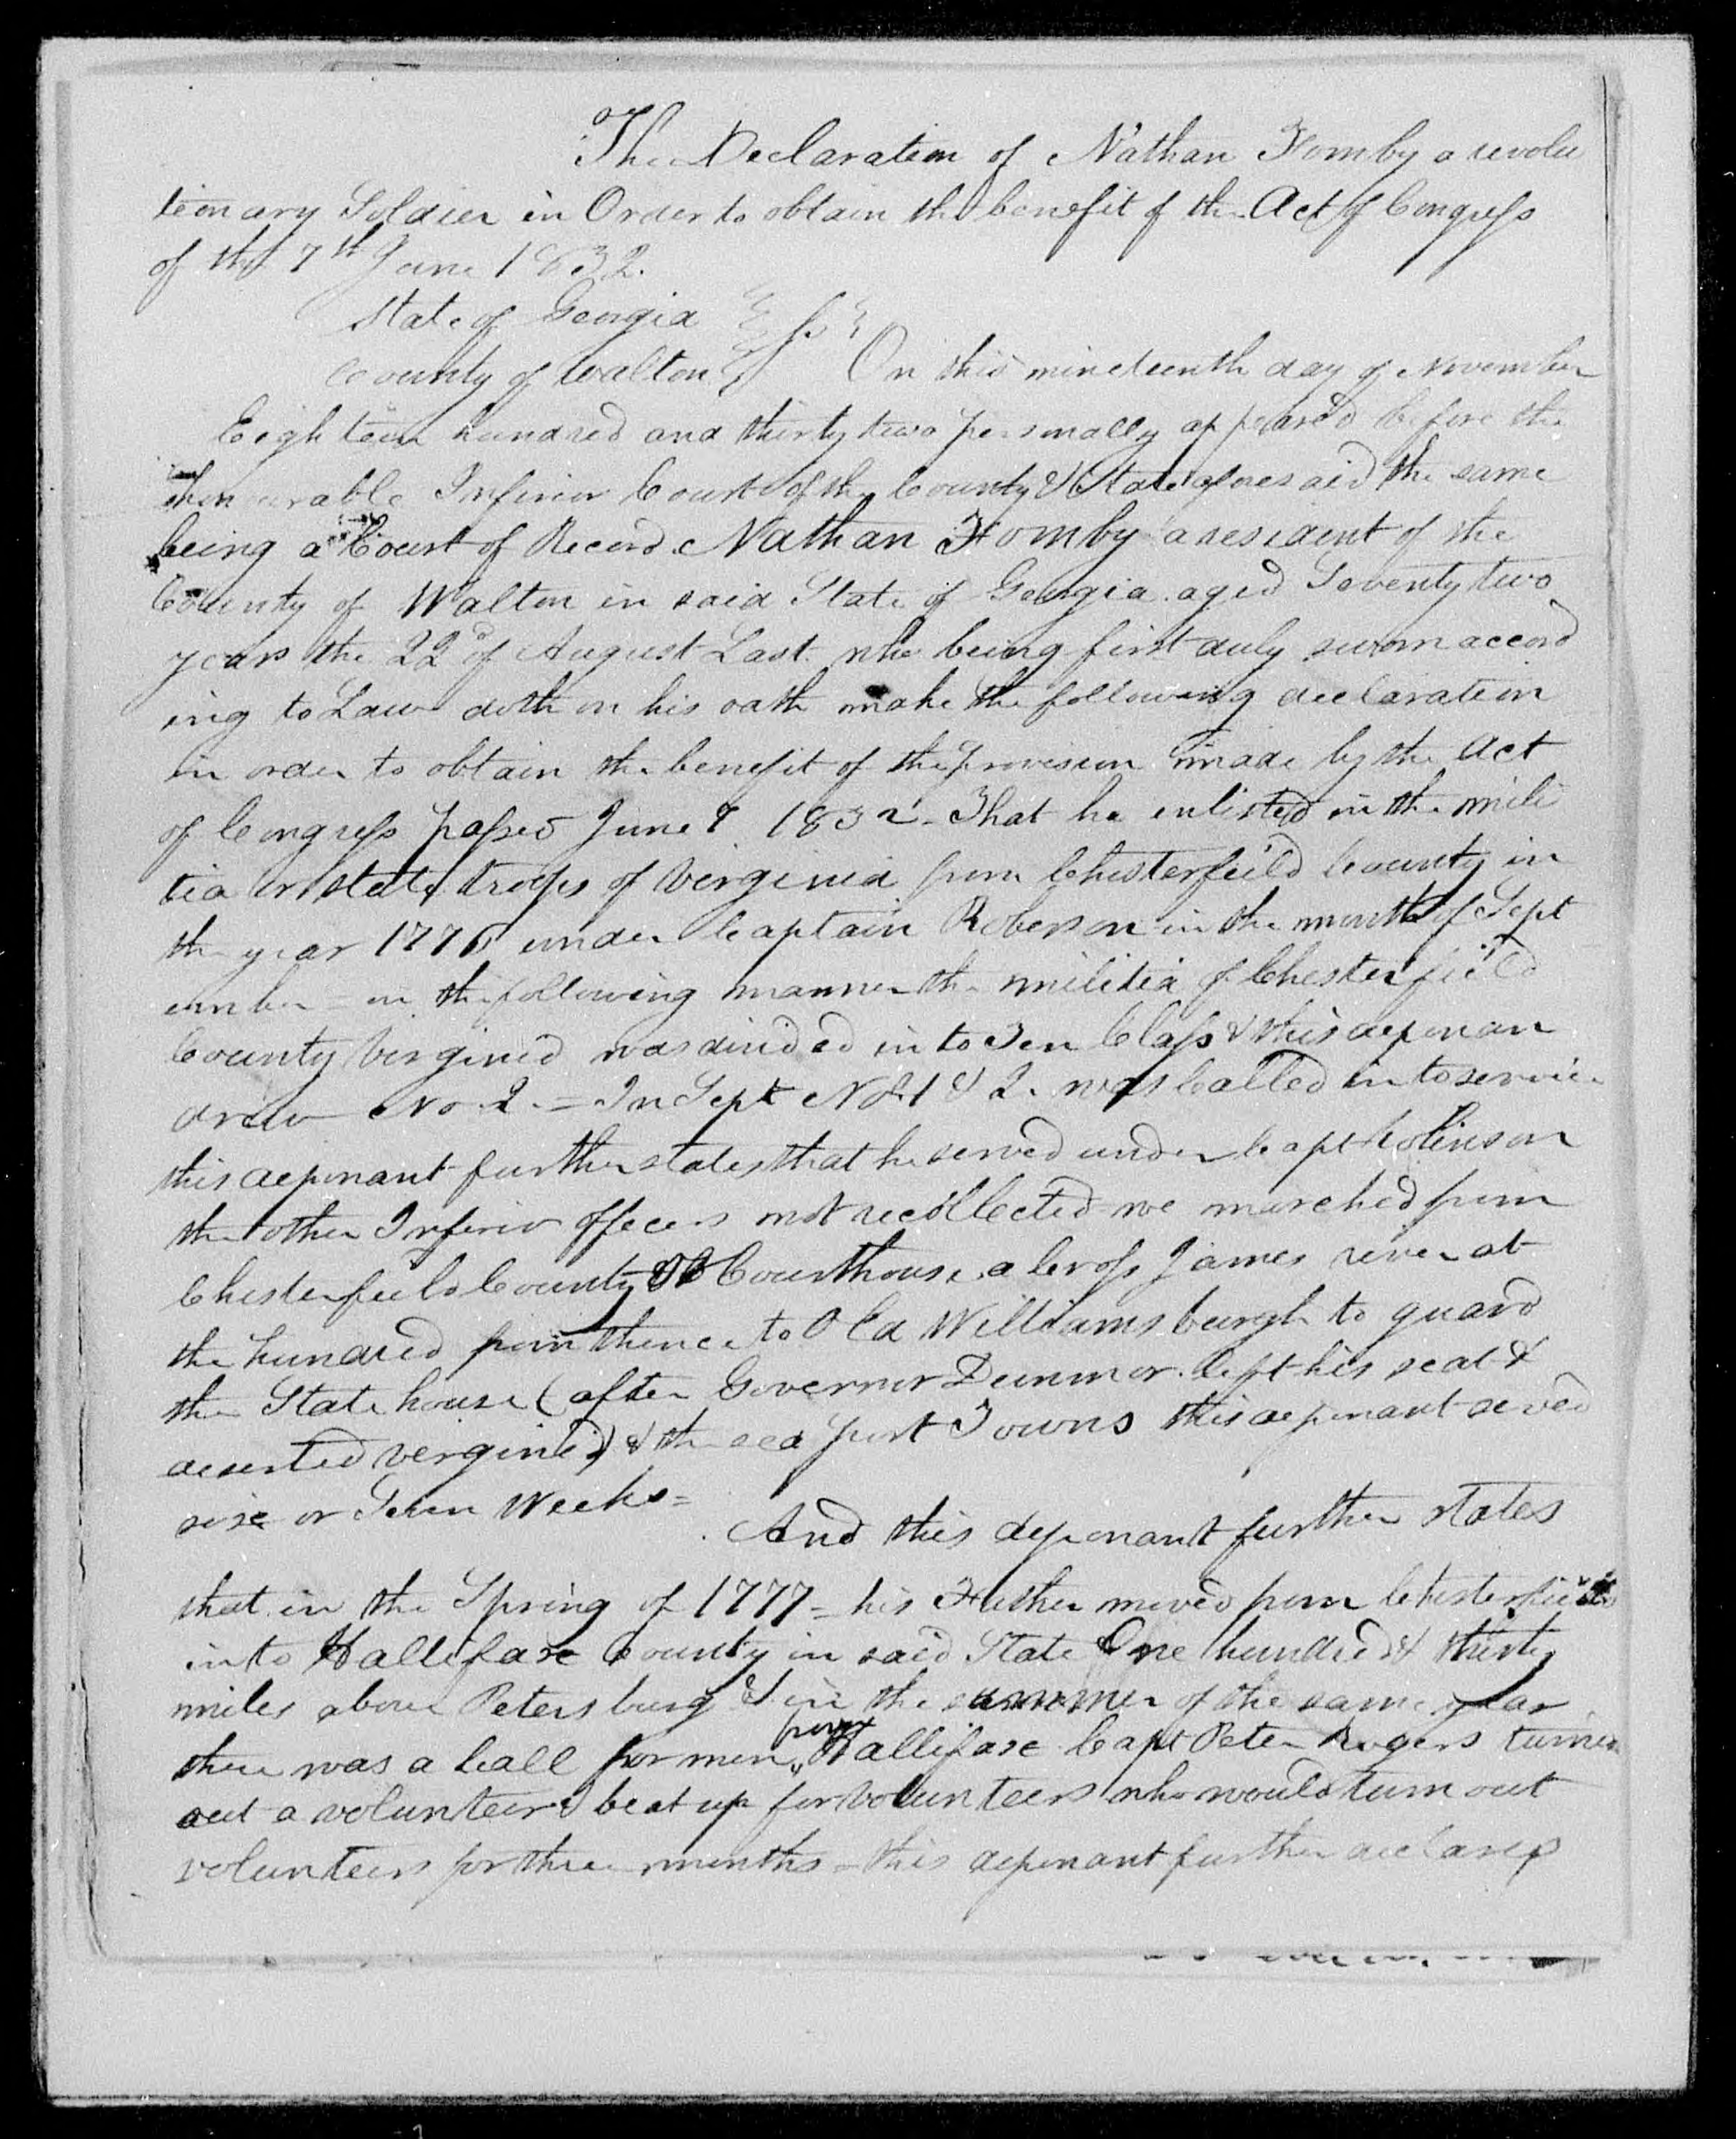The Declaration of Nathan Formby a revolutionary Soldier in Order to obtain the benefit of the Act of Congress of the 7th June 1832.
State of Georgia}
County of Walton} Ss} On this nineteenth day of November, Eighteen hundred-thirty two personally appeared before the Honorable Inferior Court of the County & State aforesaid the same being a Court of Record Nathan Formby (a resident of the County of Walton in said State of Georgia) aged Seventy- two years the 22nd of August Last. Who being first duly sworn according to Law doth in his oath make the following declaration in order to obtain the benefit of the provision made by the Act of Congress passed June 7, 1832. That he enlisted in the militia or state drafts of Virginia from Chesterfield County in the year 1776 under Captain Roberson in the month of Sept under the following names the militia of Chesterfield County Virginia was divided into ten C Css & this deponent order No 2 - In Sept NL 1 & 2 was called into service this deponent further states that he served under Capt Robinson the other Inferior officers not recollected we marched from Chesterfield County Courthouse, across James river at the hundred from thence to Old Williamsburgh to guard the State house (after Governor Dunmor left his seal & deserted Virginia) & the sea port Towns this deponent served six or seven Weeks=
And this deponent further states that in the Spring of 1777= his Father moved from Chesterfield into Halifax County in said State One hundred & thirty miles above Petersburg & in the summer of the same year there was a ball for men [illegible] Capt Peter Rogers turned out a volunteer & beat up for volunteers who would turn out volunteers for three months - this deponent further declares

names: Nathan Fomby, Nathan Fomby, Dunmor, Peter Rogers, Robinson, Roberson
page: 3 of 54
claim: widow's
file: W. 3794, Nathan Formby, Va.